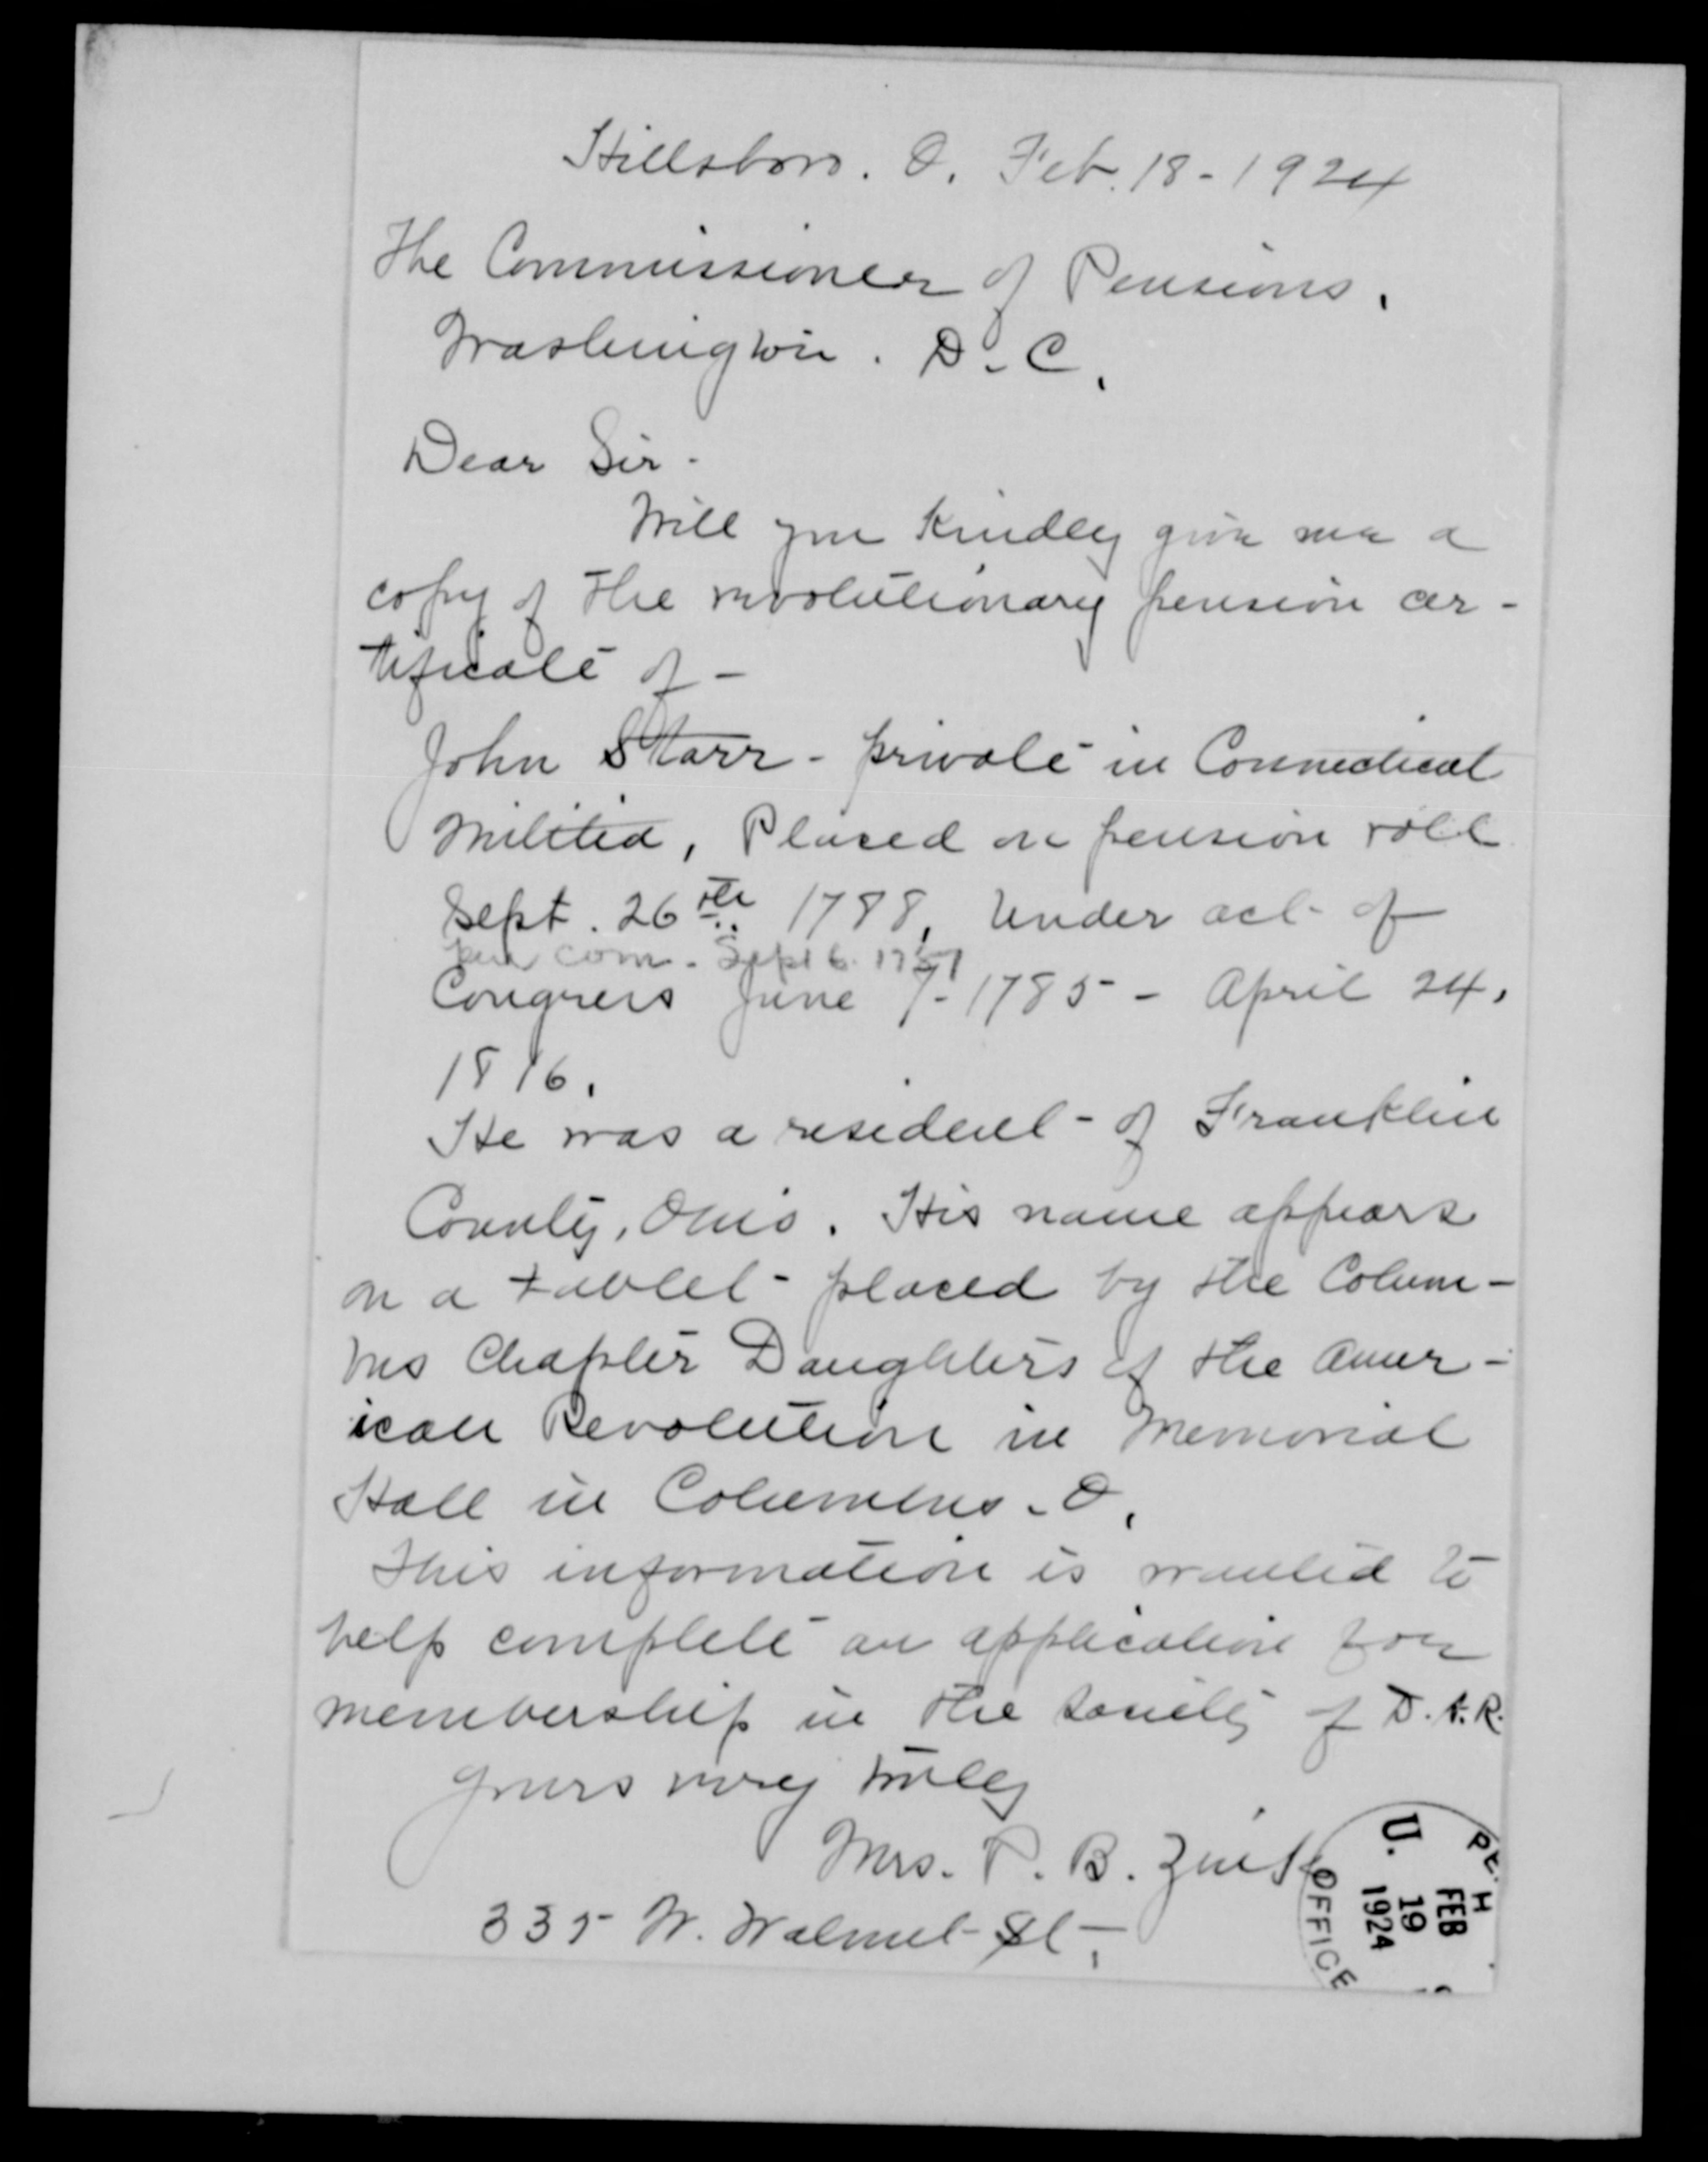Hillsboro. O.  Feb. 18 - 1924
The Commissioner of Pensions,
Washington D.C.
Dear Sir
Will you kindly give me a
copy of the revolutionary pension cer-
tificate of-
John Starr private in Connecticut
Militia, placed on pension roll
Sept. 26th 1788, under act of
and Com. Sept 6 1787
Congress June 7 1785 - April 24,
1816.
He was a resident of Franklin
County, Ohio. His name appears
on a tablet placed by the Colum-
bus Chapter Daughters of the American
Revolution in Memorial
Hall in Columbus O.
This information is wanted to
help complete an application for
membership in the society of D.A.R.
yours very truly
Mrs. P. B. Quest
335 W. Walmel St.

PENSION
H
FEB
U,  19  S.
1924
OFFICE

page: 4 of 7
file: for John Starr, Connecticut